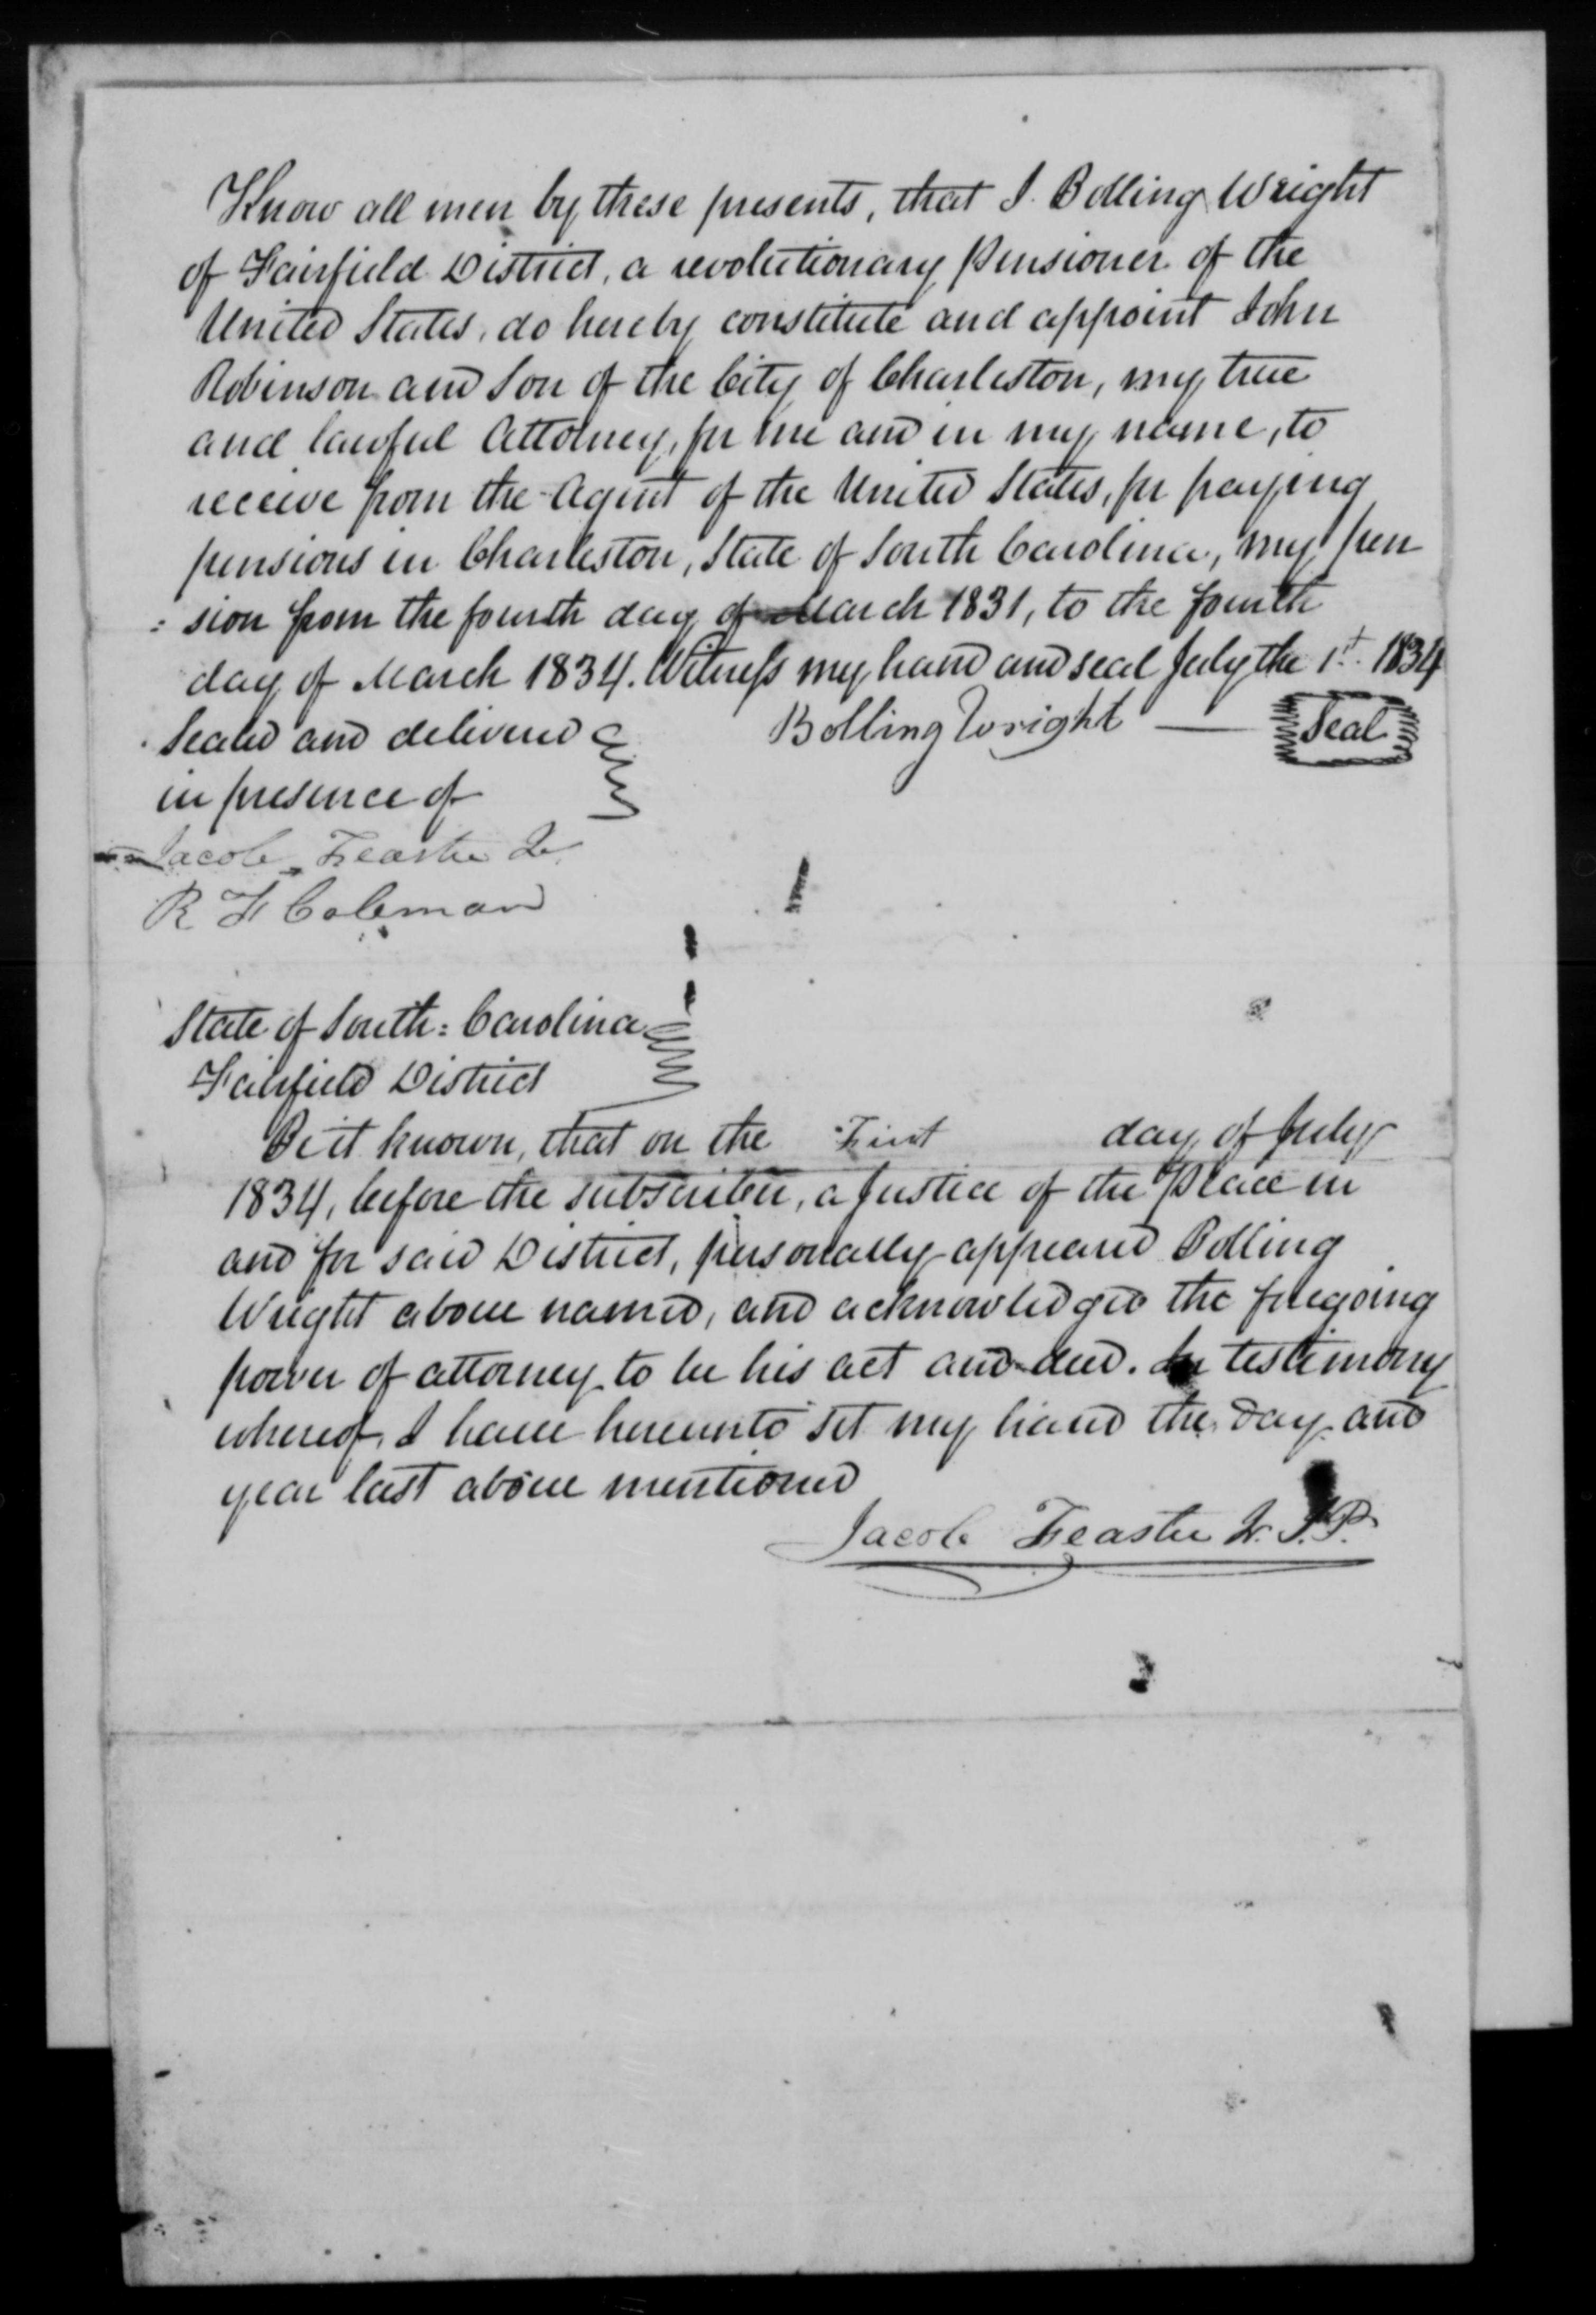Know all men by these presents, that I Bolling Wright
of Fairfield District, a revolutionary pensioner of the
United States, do hereby constitute and appoint John
Robinson and Son of the City of Charleston, my true
and lawful attorney, for me and in my name to
receive from the Agent of the United States, for paying
pensions in Charleston, State of South Carolina, my pension
from the fourth day of March 1831, to the fourth
day of March 1834, Witness my hand and seal July the 1st 1834
Bolling Wright 
Sealed and delivered
in presence of
Jacob Feaster
R F Coleman

State of South Carolina
Fairfield District}
Be it known, that on the First day of July
1834, before the subscriber, a Justice of the Peace in
and for said District, personally appeared Bolling
Wright above named, and acknowledged the foregoing
power of attorney to be his act and deed. In testimony
whereof I have hereunto set my hand the day and
year last above mentioned
Jacob Feaster S. J. P.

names: R F Coleman, Jacob Feaster, Bolling Wright, John Robinson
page: 61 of 81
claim: widow's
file: W. 5183, Bolling Wright, Va.